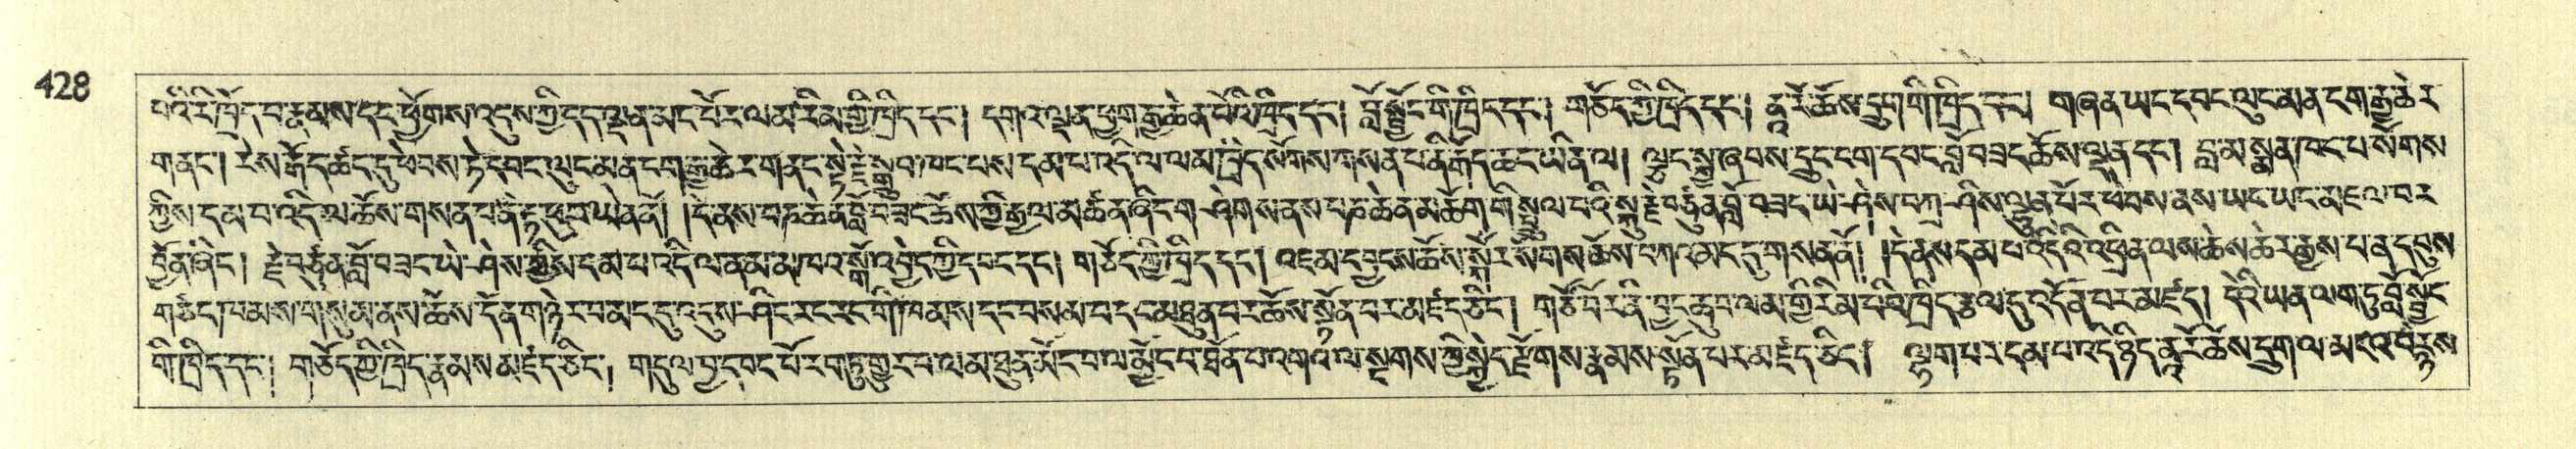པའི་རི་ཁྲོད་བ་རྣམས་དང་ཕྱོགས་འདུས་ཀྱི་དད་ལྡན་མང་པོར་ལམ་རིམ་གྱི་ཁྲིད་དང་། དགའ་ལྡན་ཕྱག་རྒྱ་ཆེན་པོའི་ཁྲིད་དང་། བློ་སྦྱོང་གི་ཁྲིད་དང་། གཅོད་ཀྱི་ཁྲིད་དང་། ནཱ་རོ་ཆོས་དྲུག་གི་ཁྲིད་དང་། གཞན་ཡང་དབང་ལུང་མན་ངག་རྒྱ་ཆེར་
གནང་། རེས་རྒོད་ཚང་དུ་ཕེབས་ཏེ་དབང་ལུང་མན་ངག་རྒྱ་ཆེར་གནང་སྟེ་རྗེ་སྒྲུབ་ཁང་པས་དམ་པ་འདི་ལ་ལམ་ཁྲིད་སོགས་གསན་པ་ནི་རྒོད་ཆང་ཡིན་ལ། ལྕང་སྐྱ་ཞབས་དྲུང་ངག་དབང་བློ་བཟང་ཆོས་ལྡན་དང་། བླ་མ་སྨན་ཁང་པ་སོགས་
ཀྱིས་དམ་བ་འདི་ལ་ཆོས་གསན་པ་ནི་རྟ་ཕུབ་ཡིན་ནོ། །དེ་ནས་པཎ་ཆེན་བློ་བཟང་ཆོས་ཀྱི་རྒྱལ་མཚན་ཞིང་གཤེགས་ནས་པཎ་ཆེན་མཆོག་གི་སྤྲུལ་པའི་སྐུ་རྗེ་བཙུན་བློ་བཟང་ཡེ་ཤེས་བཀྲ་ཤིས་ལྷུན་པོར་ཕེབས་ནས་ཡང་ཡང་མཇལ་བར་
བྱོན་ཞིང་། རྗེ་བཙུན་བློ་བཟང་ཡེ་ཤེས་ཀྱིས་དམ་པ་འདི་ལ་ནམ་མཁའ་སྒོ་འབྱེད་ཀྱི་དབང་དང་། གཅོད་ཀྱི་ཁྲིད་དང་། འཇམ་དབྱངས་ཆོས་སྐོར་སོགས་ཆོས་བཀའ་མང་དུ་གསན་ནོ། །དེ་ནས་དམ་པ་འདིའི་འཕྲིན་ལས་ཆེས་ཆེར་རྒྱས་པ་ན་དབུས་
གཙང་ཁམས་གསུམ་ནས་ཆོས་དོན་གཉེར་བ་མང་དུ་འདུས་ཤིང་རང་རང་གི་ཁམས་དང་བསམ་བ་དང་མཐུན་བར་ཆོས་སྟོན་བར་མཛད་ཅིང་། གཙོ་བོར་ནི་བྱང་ཆུབ་ལམ་གྱི་རིམ་པའི་ཁྲིད་རྩལ་དུ་འདོན་བར་མཛད། དེའི་ཡན་ལག་ཏུ་བློ་སྦྱོང་
གི་ཁྲིད་དང་། གཅོད་ཀྱི་ཁྲིད་རྣམས་མཛད་ཅིང་། གདུལ་བྱ་དབང་པོ་རབ་ཏུ་གྱུར་བ་ལམ་ཐུན་མོང་བ་ལ་མྱོང་བ་ཐོན་པ་འགའ་ལ་སྔགས་ཀྱི་སྐྱེད་རྫོགས་རྣམས་སྟོན་པར་མཛད་ཅིང་། ལྷག་པར་དམ་པ་འདི་ཉིད་ནཱ་རོ་ཆོས་དྲུག་ལ་མངའ་བརྙེས་